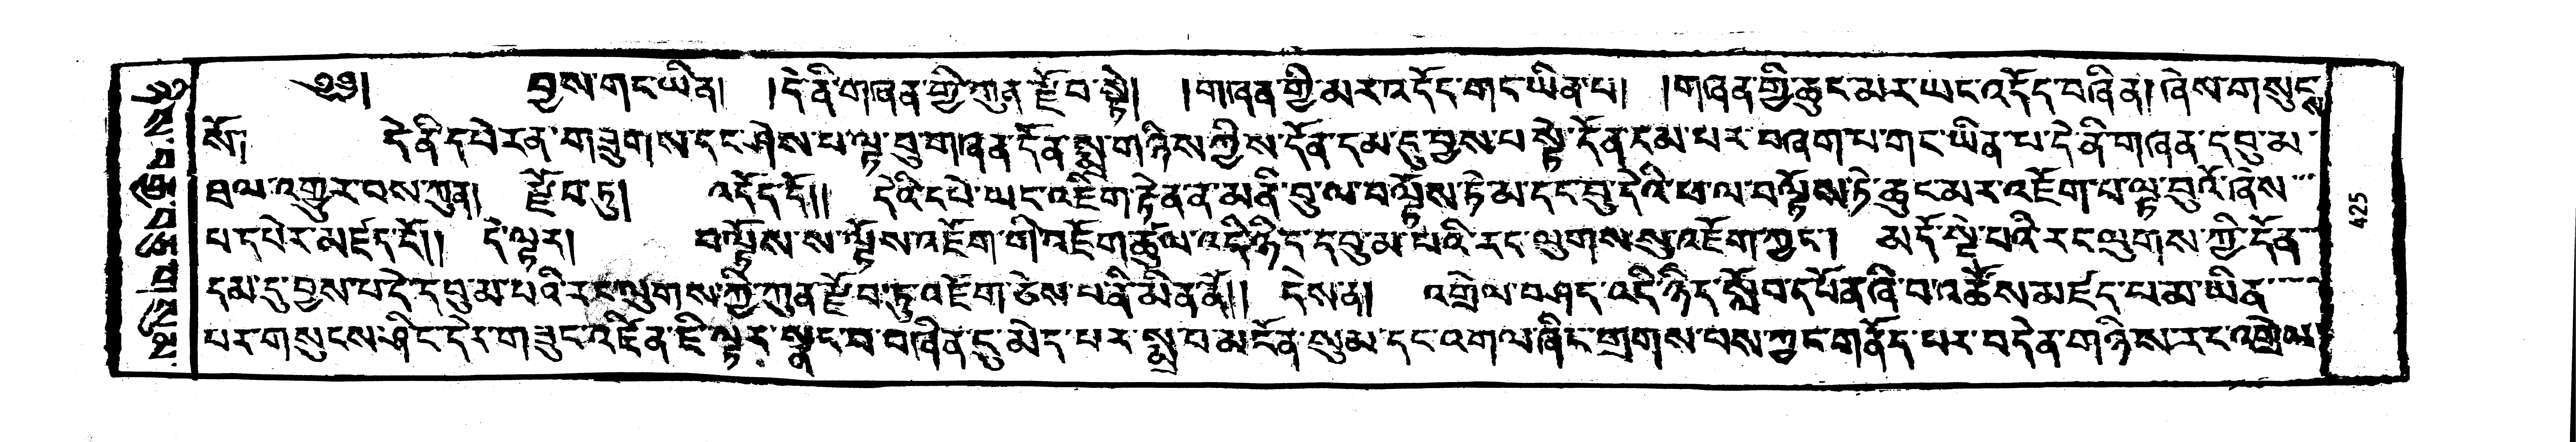༄༅། །བྱས་གང་ཡིན། །དེ་ནི་གཞན་གྱི་ཀུན་རྫོབ་སྟེ། །གཞན་གྱི་མར་འདོད་གང་ཡིན་པ། །གཞན་གྱི་ཆུང་མར་ཡང་འདོད་བཞིན། ཞེས་གསུངས་
སོ༑ དེ་ནི་དཔེར་ན་གཟུགས་དང་ཤེས་པ་ལྟ་བུ་གཞན་དོན་སྨྲ་གཉིས་ཀྱིས་དོན་དམ་དུ་བྱས་པ་སྟེ་དོན་དམ་པར་བཞག་པ་གང་ཡིན་པ་དེ་ནི་གཞན་དབུ་མ་
ཐལ་འགྱུར་བས་ཀུན། རྫོབ་ཏུ། འདོད་དོ། །དེའི་དཔེ་ཡང་འཇིག་རྟེན་ན་མ་ནི་བུ་ལ་བལྟོས་ཏེ་མ་དང་བུ་དེའི་ཕ་ལ་བལྟོས་ཏེ་ཆུང་མར་འཇོག་པ་ལྟ་བུའོ་ཞེས་
པ་དཔེར་མཛད་དོ། །དེ་ལྟར། བལྟོས་ས་ལྟོས་འཇོག་གི་འཇོག་ཚུལ་འདི་ཉིད་དབུ་མ་པའི་རང་ལུགས་སུ་འཇོག་ཀྱང་། མདོ་སྡེ་པའི་རང་ལུགས་ཀྱི་དོན་
དམ་དུ་བྱས་པ་དེ་དབུ་མ་པའི་རང་ལུགས་ཀྱི་ཀུན་རྫོབ་ཏུ་འཇོག་ཅེས་པ་ནི་མིན་ནོ། །དེས་ན། འགྲེལ་བཤད་འདི་ཉིད་སློབ་དཔོན་ཞི་བ་འཚོས་མཛད་པ་མ་ཡིན་
པར་གསུངས་ཤིང་དེར་གཟུང་འཛིན་ཇི་ལྟར་སྣང་བ་བཞིན་དུ་མེད་པར་སྨྲ་བ་མངོན་སུམ་དང་འགལ་ཞིང་གྲགས་པས་ཀྱང་གནོད་པར་བདེན་གཉིས་རང་འགྲེལ་